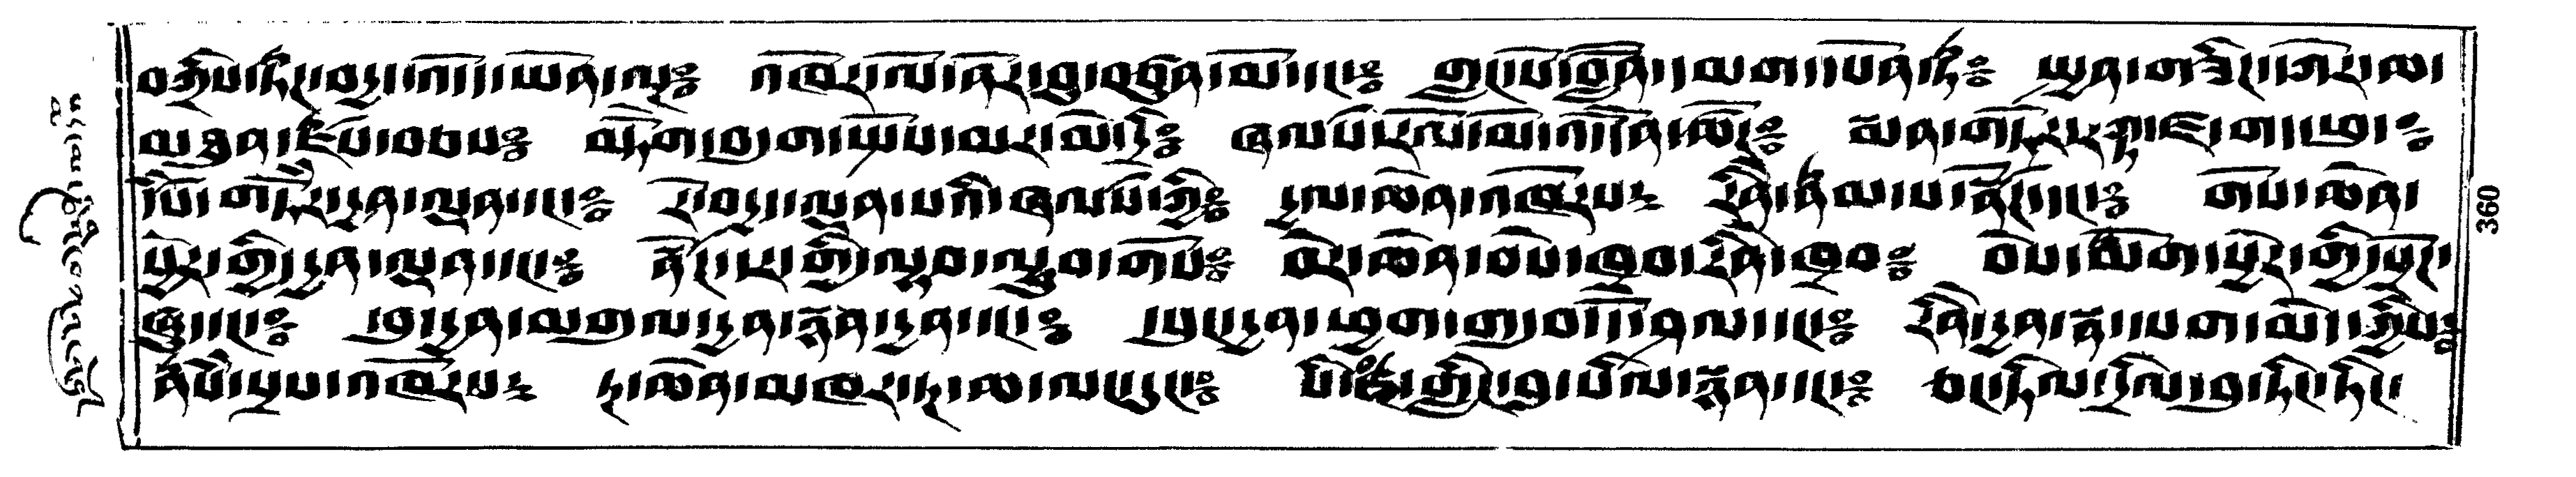བཀྲ་ཤིས་རྟགས་བརྒྱད་འདོད་ཡོན་ལྔ༔ འཁོར་ལོ་ནོར་བུ་བཙུན་མོ་དང༔ གླང་པོ་བློན་པོ་དམག་དཔོན་རྟ༔ སྤྱན་གཟིགས་དཀོར་ཆ་
མཐུན་རྫས་བཅས༔ མེ་ཏོག་བདུག་སྤོས་མར་མེ་དྲི༔ ཞལ་ཟས་རོལ་མོ་འདོད་ཡོན་ཚོགས༔ སྨན་གཏོར་རཀྟ་ཛ་གད་ཕུད༔ 
དམ་རྫས་གཏོར་མ་རྒྱན་ལྡན་དང༔ རོ་བརྒྱ་ལྡན་པའི་ཞལ་ཟས་ཀྱི༔ རྒྱལ་ཆེན་འཁོར་བཅས༴ རིན་ཆེན་རྣམ་པ་སྣ་ཚོགས་དང༔ གོས་ཆེན་
གསེར་གྱི་རྒྱན་ལྡན་དང༔ སྣ་ཚོགས་དར་གྱི་ལྷབ་ལྷུབ་གོས༔ བེར་ཆེན་བསེ་ཁྲབ་རིན་ཆེན་ཁྲབ༔ བསེ་རྨོག་གསེར་གྱི་སྤྲོག་
ཞུ་དང༔ དབུ་རྒྱན་མགུལ་རྒྱན་སྙན་རྒྱན་དང༔ དཔུང་རྒྱན་ཕྱག་གདུབ་དོ་ཤལ་དང༔ རིན་ཆེན་རྒྱན་སྣ་དཔག་མེད་ཀྱིས༔ 
རྣམ་སྲས་འཁོར་བཅས༴ རྔ་ཆེན་མཁར་རྔ་ཆ་ལང་དུང༔ པི་ཝཾ་གླིང་བུ་སིལ་སྙན་དང༔ ཅང་ཏིལ་དྲིལ་བུ་ཏིང་ཏིང་